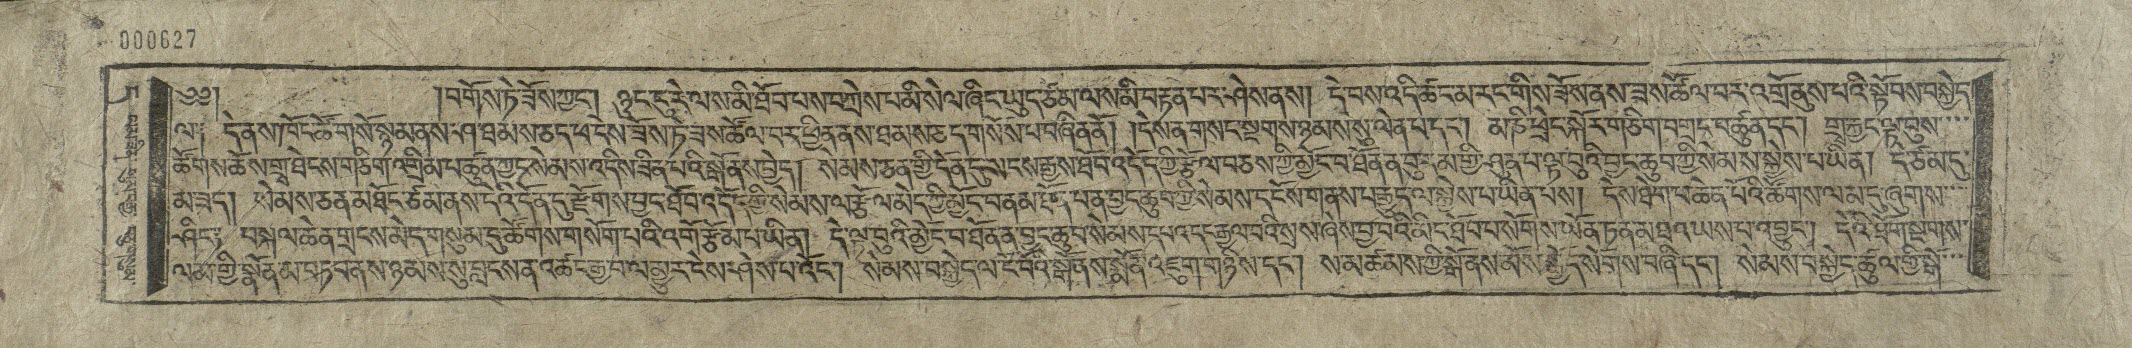༄༅། །བགོས་ཏེ་ཟོས་ཀྱང་། ཉུང་ངུ་རེ་ལས་མི་ཐོབ་པས་བཀྲེས་པ་མི་སེལ་ཞིང་ཡུད་ཙམ་ལས་མི་བརྟན་པར་ཤེས་ནས། དེ་བས་འདི་ཚང་མ་རང་གིས་ཟོས་ནས་ཟས་ཚོལ་བར་འགྲོ་ནུས་པའི་སྟོབས་བསྐྱེད་
ལ༑ དེ་ནས་ཁོང་ཚོ་གསོ་སྙམ་ནས་ཤ་ཐམས་ཅད་ཕ་དེས་ཟོས་ཏེ་ཟས་ཚོལ་བར་ཕྱིན་ནས་ཐམས་ཅད་གསོས་པ་བཞིན་ནོ། །དེས་ན་གསང་སྔགས་ཉམས་སུ་ལེན་པ་དང་། མ་ཎི་ཕྲེང་སྐོར་གཅིག་བགྲང་བ་ཚུན་དང་། གྲྭ་རྐྱང་ལྟ་བུས་
ཚོགས་ཆོས་གྲྭ་ཐེངས་གཅིག་འགྲིམ་པ་ཚུན་ཀྱང་སེམས་འདིས་ཟིན་པའི་སྒོ་ནས་བྱེད། སེམས་ཅན་གྱི་དོན་དུ་སངས་རྒྱས་ཐོབ་འདོད་ཀྱི་རྩོལ་བཅས་ཀྱི་མྱོང་བ་ཐོན་ན་བུ་རམ་གྱི་ཤུན་པ་ལྟ་བུའི་བྱང་ཆུབ་ཀྱི་སེམས་སྐྱེས་པ་ཡིན། དེ་ཙམ་དུ་
མ་ཟད། སེམས་ཅན་མཐོང་ཙམ་ནས་དེའི་དོན་དུ་རྫོགས་བྱང་ཐོབ་འདོད་ཀྱི་སེམས་ལ་རྩོལ་མེད་ཀྱི་མྱོང་བ་ནམ་ཐོན་པ་ན་བྱང་ཆུབ་ཀྱི་སེམས་དངོས་གནས་པ་རྒྱུད་ལ་སྐྱེས་པ་ཡིན་པས། དེས་ཐེག་པ་ཆེན་པོའི་ཚོགས་ལམ་དུ་ཞུགས་
ཤིང༑ བསྐལ་ཆེན་གྲངས་མེད་གསུམ་དུ་ཚོགས་གསོག་པའི་འགོ་རྩོམ་པ་ཡིན། དེ་ལྟ་བུའི་མྱོང་བ་ཐོན་ན་བྱང་ཆུབ་སེམས་དཔའ་དང་རྒྱལ་བའི་སྲས་ཞེས་བྱ་བའི་མིང་ཐོབ་པ་སོགས་ཡོན་ཏན་མཐའ་ཡས་པ་འབྱུང་། དེའི་ཐོག་སྔགས་
ལམ་གྱི་སྣོན་མ་བཏབ་ནས་ཉམས་སུ་བླངས་ན་འཚང་རྒྱ་བ་ལ་མྱུར་ངེས་ཤེས་པ་འོང་། སེམས་བསྐྱེད་ལ་ངོ་བོའི་སྒོ་ནས་སྨོན་འཇུག་གཉིས་དང་། ས་མཚམས་ཀྱི་སྒོ་ནས་མོས་སྤྱོད་སོགས་བཞི་དང་། སེམས་བསྐྱེད་ཚུལ་གྱི་སྒོ་